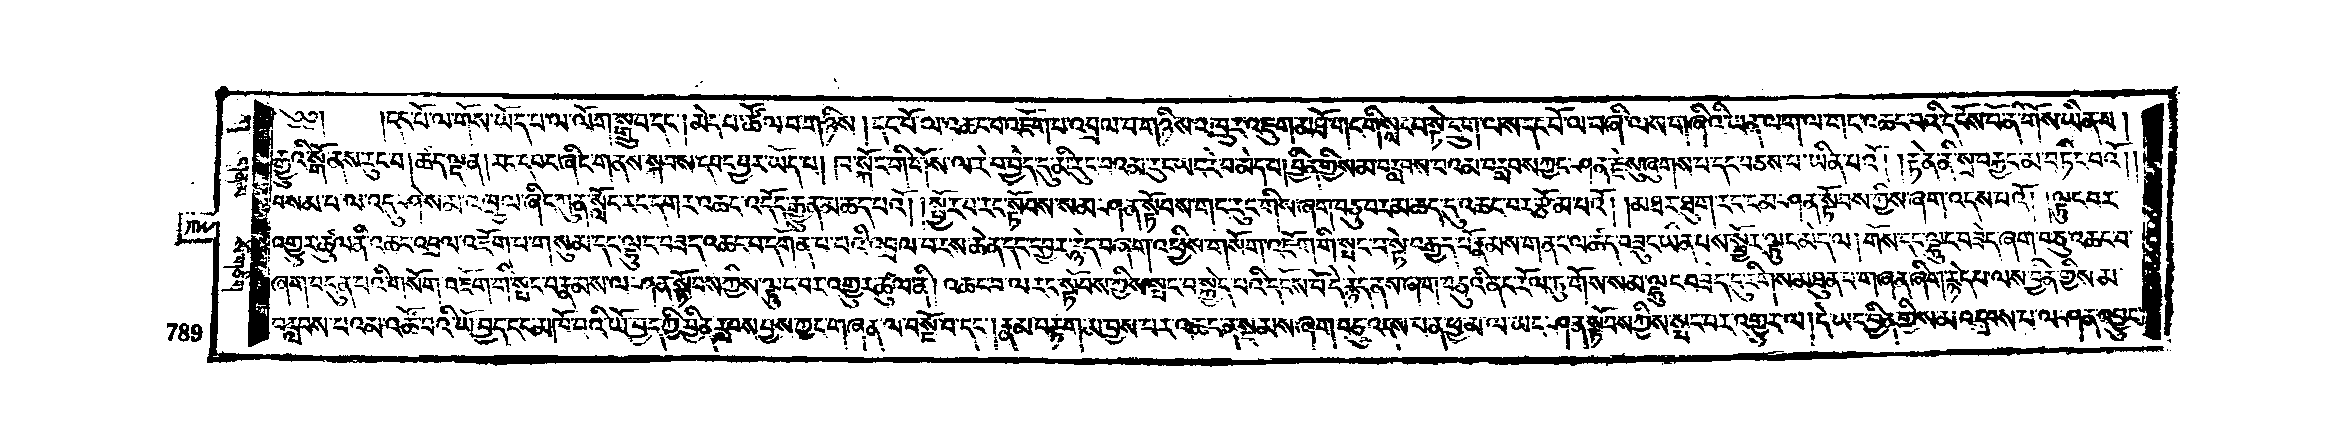༄༅། །དང་པོ་ལ་གོས་ཡོད་པ་ལ་ལོག་སྒྲུབ་དང་། མེད་པ་ཚོལ་བ་གཉིས། དང་པོ་ལ་འཆང་བ་འཇོག་པ་འབྲལ་བ་གཉིས་འཁྲུར་འཇུག་མཐོ་གང་གི་སླང་བ་སྟེ་དྲུག་ལས་དང་པོ་ལ་བཞི་ལས་གཞིའི་ཡན་ལག་ལ་གང་འཆང་བའི་དངོས་པོ་ནི་གོས་ཡིན་པ།
རྒྱུའི་སྒོ་ནས་རུང་བ། ཚད་ལྡན། རང་དབང་ཞིང་གནས་སྐབས་དབང་བྱར་ཡོད་པ། ཁ་སྐོང་གི་གོས་ལ་རེ་བ་བྱེད་དུ་མི་རུང་བའམ་རུང་ཡང་རེ་བ་མེད་པ། བྱིན་གྱིས་མ་བརླབས་པའམ་བརླབས་ཀྱང་ཤན་རྗེས་སུ་ཞུགས་པ་དང་བཅས་པ་ཡིན་པའོ། །རྟེན་ནི་སྲ་བརྐྱང་མ་བཏིང་བའོ། །
བསམ་པ་ལ་འདུ་ཤེས་མ་འཁྲུལ་ཞིང་ཀུན་སློང་རང་དགར་འཆང་འདོད་རྒྱུན་མ་ཆད་པའོ། །སྦྱོར་བ་རང་སྟོབས་སམ་ཤན་སྟོབས་གང་རུང་གིས་ཞག་བཅུ་བར་མ་ཆད་དུ་འཆང་བར་རྩོམ་པའོ། །མཐར་ཐུག་རང་ངམ་ཤན་སྟོབས་ཀྱིས་ཞག་འདས་པའོ། །ལྟུང་བར་
འགྱུར་ཚུལ་ནི་འཆང་འབྲལ་འཇོག་པ་གསུམ་དང་ལྷུང་བཟད་འཆང་བ་དགོན་པ་པའི་འབྲལ་བར་ས་ཆེན་དང་དབྱར་རྙེད་བཞག་འཕྱིས་གསོག་འཇོག་གི་སྤང་བ་སྟེ་བརྒྱད་པོ་རྣམས་གནང་ལ་ཚད་བཟུང་ཡིན་པས་སྦྱོར་ལྟུང་མེད་ལ། གོས་དང་ལྷུང་བཟེད་ཞག་བཅུ་འཆང་བ་
ཞག་བདུན་པའི་གསོག་འཇོག་གི་སྤང་བ་རྣམས་ལ་ཤན་སྟོབས་ཀྱིས་ལྟུང་བར་འགྱུར་ཚུལ་ནི། འཆང་བ་ལ་རང་སྟོབས་ཀྱིས་སྤང་བ་སྐྱེད་པའི་དངོས་པོ་དེ་རྙེད་ནས་ཞག་བཅུའི་ནང་རོལ་ཏུ་གོས་སམ་ལྷུང་བཟེད་དུ་རིགས་མཐུན་པ་གཞན་ཞིག་རྙེད་པ་ལས་བྱིན་གྱིས་མ་
བརླབས་པའམ་འཚོ་བའི་ཡོ་བྱད་དང་མཁོ་བའི་ཡོ་བྱད་ཀྱི་བྱིན་རླབས་བྱས་ཀྱང་གཞན་ལ་བསྔོ་བ་དང་། རྣམ་བརྟག་མ་བྱས་པར་འཆང་ན་སྡམས་ཞག་བཅུ་འདས་པ་ན་ཕྱ་མ་ལ་ཡང་ཤན་སྟོབས་ཀྱིས་སྤང་བར་འགྱུར་ལ། དེ་ཡང་བྱིན་གྱིས་མ་བརླབས་པ་ལ་ཤན་འབྱུང་